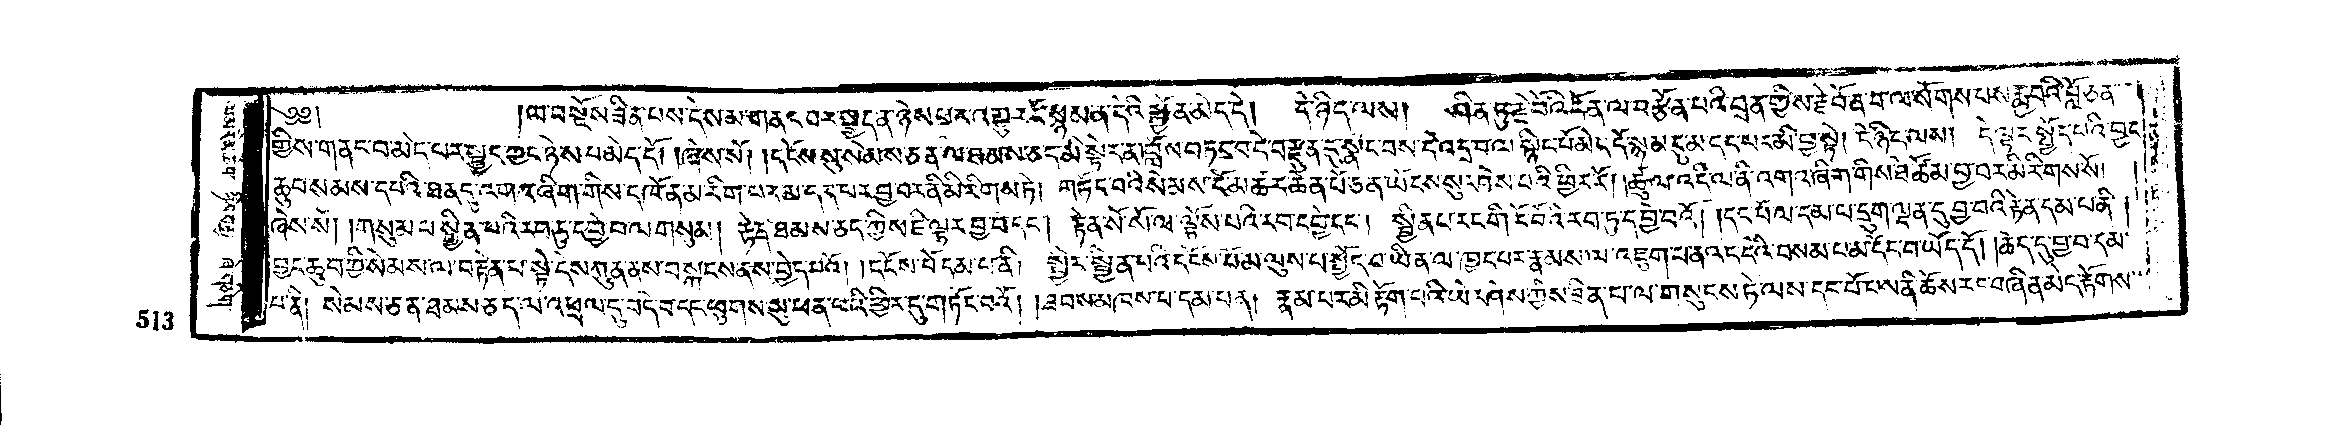༄༅། །ལ་བསྔོས་ཟིན་པས་དེས་མ་གནང་བར་སྤྱད་ན་ཉེས་པར་འགྱུར་རོ་སྙམ་ན་དེའི་སྐྱོན་མེད་དེ། དེ་ཉིད་ལས། ཤིན་ཏུ་རྗེ་བོའི་དོན་ལ་བརྩོན་པའི་བྲན་གྱིས་རྗེ་བོ་ན་བ་ལ་སོགས་པས་རྨྱ་བའི་བློ་ཅན་
གྱིས་གནང་བ་མེད་པར་སྤྱད་ཀྱང་ཉེས་པ་མེད་དོ། །ཞེས་སོ། །དངོས་སུ་སེམས་ཅན་ལ་ཐམས་ཅད་མི་སྟེར་ན་བློས་བཏང་བ་དེ་བརྫུན་དུ་སྣང་བས་དེ་འདྲ་བ་ལ་སྙིང་པོ་མེད་དོ་སྙམ་དུ་མ་དད་པར་མི་བྱ་སྟེ། དེ་ཉིད་ལས། དེ་ལྟར་སྤྱོད་པའི་བྱང་
ཆུབ་སེམས་དཔའི་ཐད་དུ་འགའ་ཞིག་གིས་དེ་ཁོ་ན་མ་རིག་པར་མ་དད་པར་བྱ་བར་ནི་མི་རིགས་ཏེ། གཏོང་བའི་སེམས་ངོ་མཚར་ཆེན་པོ་ཅན་ཡོངས་སུ་ཤེས་པའི་ཕྱིར་རོ། །ཚུལ་འདི་ལ་ནི་འགའ་ཞིག་གིས་ཐེ་ཚོམ་བྱ་བར་མི་རིགས་སོ། །
ཞེས་སོ། །གསུམ་པ་སྦྱིན་པའི་རབ་ཏུ་དབྱེ་བ་ལ་གསུམ། རྟེན་ཐམས་ཅད་ཀྱིས་ཇི་ལྟར་བྱ་བ་དང་། རྟེན་སོ་སོ་ལ་ལྟོས་པའི་རབ་དབྱེ་དང་། སྦྱིན་པ་རང་གི་ངོ་བོའི་རབ་ཏུ་དབྱེ་བའོ། །དང་པོ་ལ་དམ་པ་དྲུག་ལྡན་དུ་བྱ་བའི་རྟེན་དམ་པ་ནི།
བྱང་ཆུབ་ཀྱི་སེམས་ལ་བརྟེན་པ་སྟེ་དེས་ཀུན་ནས་བསླངས་ནས་བྱེད་པའོ། །དངོས་པོ་དམ་པ་ནི། སྤྱིར་སྦྱིན་པའི་དངོས་པོ་མ་ལུས་པ་སྤྱོད་པ་ཡིན་ལ་ཁྱད་པར་རྣམས་ལ་འཇུག་པ་ནའང་དེའི་བསམ་པ་མ་དོར་བ་ཡོད་དོ། །ཆེད་དུ་བྱ་བ་དམ་
པ་ནི༑ སེམས་ཅན་ཐམས་ཅད་ལ་འཕྲལ་དུ་བདེ་བ་དང་ཕུགས་སུ་ཕན་པའི་ཕྱིར་དུ་གཏོང་བའོ། །ཐབས་མཁས་པ་དམ་པ་ནི། རྣམ་པར་མི་རྟོག་པའི་ཡེ་ཤེས་ཀྱིས་ཟིན་པ་ལ་གསུངས་ཏེ་ལས་དང་པོ་པས་ནི་ཆོས་རང་བཞིན་མེད་རྟོགས་